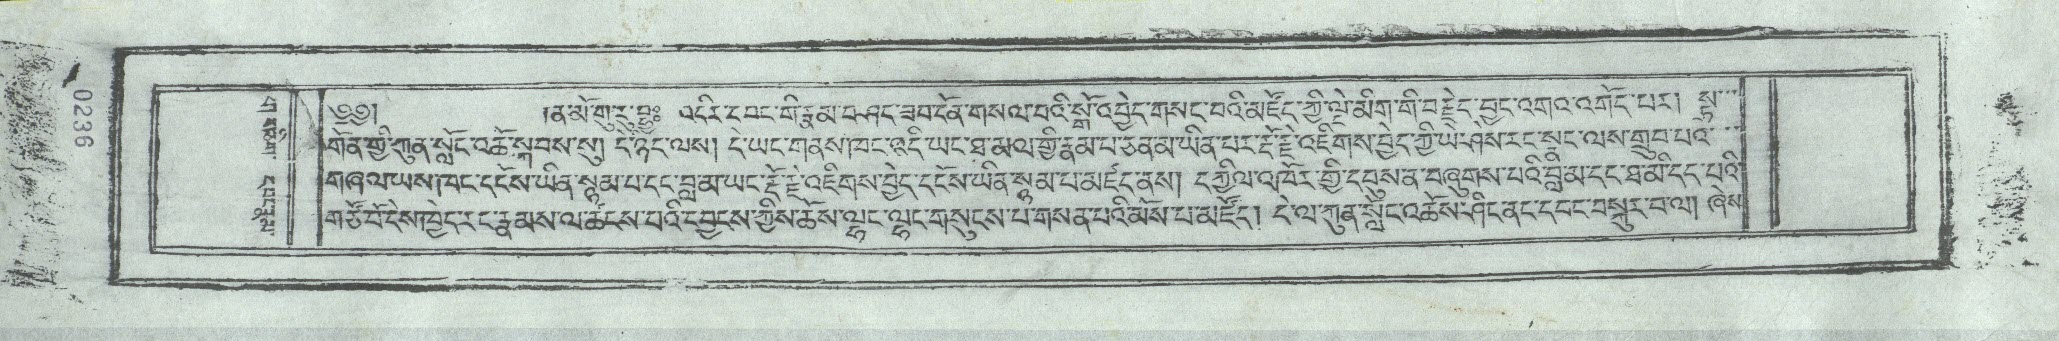༄༅། །ན་མོ་གུ་རུ་བྷྱཿ འདིར་དབང་གི་རྣམ་བཤད་ཟབ་དོན་གསལ་བའི་སྒོ་འབྱེད་གསང་བའི་མཛོད་ཀྱི་ལྡེ་མིག་གི་བརྗེད་བྱང་འགའ་འགོད་པར། སྟ་
གོན་གྱི་ཀུན་སློང་འཆོ་སྐབས་སུ། དེ་ཉིད་ལས། དེ་ཡང་གནས་ཁང་འདི་ཡང་ཐ་མལ་གྱི་རྣམ་པ་ཅན་མ་ཡིན་པར་རྡོ་རྗེ་འཇིགས་བྱེད་ཀྱི་ཡེ་ཤེས་རང་སྣང་ལས་གྲུབ་པའི་
གཞལ་ཡས་ཁང་དངོས་ཡིན་སྙམ་པ་དང་བླ་མ་ཡང་རྡོ་རྗེ་འཇིགས་བྱེད་དངོས་ཡིན་སྙམ་པ་མཛད་ནས། དཀྱིལ་འཁོར་གྱི་དབུས་ན་བཞུགས་པའི་བླ་མ་དང་ཐ་མི་དད་པའི་
གཙོ་བོ་དེས་ཁྱེད་རང་རྣམས་ལ་ཚངས་པའི་དབྱངས་ཀྱིས་ཆོས་ལྷང་ལྷང་གསུངས་པ་གསན་པའི་མོས་པ་མཛོད། དེ་ལ་ཀུན་སློང་འཆོས་ཤིང་ནང་དབང་བསྐུར་བ་ལ། ཞེས་